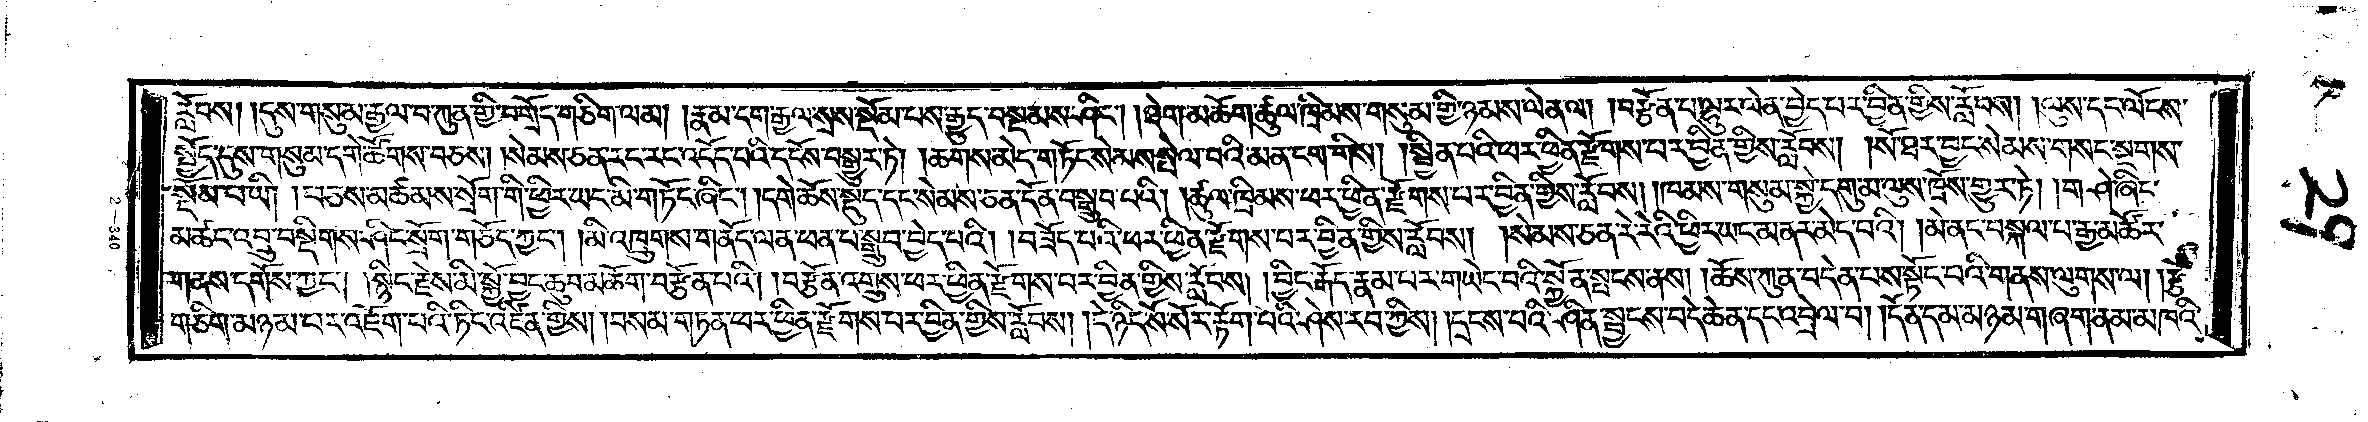རློབས། །དུས་གསུམ་རྒྱལ་བ་ཀུན་གྱི་བགྲོད་གཅིག་ལམ། །རྣམ་དག་རྒྱལ་སྲས་སྡོམ་པས་རྒྱུད་བསྡམས་ཤིང་། །ཐེག་མཆྒོ་ཚུལ་ཁྲིམས་གསུམ་གྱི་ཉམས་ལེན་ལ། །བརྩོན་པ་ལྷུར་ལེན་བྱེད་པར་བྱིན་གྱིས་རློབས། །ལུས་དང་ལོངས་
སྤྱོད་དུས་གསུམ་དགེ་ཚོགས་བཅས། །སེམས་ཅན་རང་རང་འདོད་པའི་དངོས་བསྒྱུར་ཏེ། །ཆགས་མེད་གཏོང་སེམས་སྤེལ་བའི་མན་ངག་གིས། །སྦྱིན་པའི་ཕར་ཕྱིན་རྫོགས་པར་བྱིན་གྱིས་རློབས། །སོ་ཐར་བྱང་སེམས་གསང་སྔགས་
སྡོམ་པ་ཡི། །བཅས་མཚམས་སྲོག་གི་ཕྱིར་ཡང་མི་གཏོང་ཞིང་། །དགེ་ཆོས་སྡུད་དང་སེམས་ཅན་དོན་བསྒྲུབ་པའི། །ཚུལ་ཁྲིམས་ཕར་ཕྱིན་རྫོགས་པར་བྱིན་གྱིས་རློབས། །ཁམས་གསུམ་སྐྱེ་དགུ་མ་ལུས་ཁྲོས་གྱུར་ཏེ། །གཤེ་ཞིང་
མཚང་འབྲུ་བསྡིགས་ཤིང་སྲོག་གཅོད་ཀྱང་། །མི་འཁྲུགས་གནོད་ལན་ཕན་པ་སྒྲུབ་བྱེད་པའི། །བཟོད་པའི་ཕར་ཕྱིན་རྫོགས་པར་བྱིན་གྱིས་རློབས། །སེམས་ཅན་རེ་རེའི་ཕྱིར་ཡང་མནར་མེད་པའི། །མེ་ནང་བསྐལ་པ་རྒྱ་མཚོར་
གནས་དགོས་ཀྱང་། །སྙིང་རྗེས་མི་སྐྱོ་བྱང་ཆུབ་མཆོག་བརྩོན་པའི། །བརྩོན་འགྲུས་ཕར་ཕྱིན་རྫོགས་པར་བྱིན་གྱིས་རློབས། །བྱིང་རྒོད་རྣམ་པར་གཡེང་བའི་སྐྱོན་སྤངས་ནས། །ཆོས་ཀུན་བདེན་པས་སྟོང་པའི་གནས་ལུགས་ལ། །རྩེ་
གཅིག་མཉམ་པར་འཇོག་པའི་ཏིང་འཛིན་གྱིས། །བསམ་གཏན་ཕར་ཕྱིན་རྫོགས་པར་བྱིན་གྱིས་རློབས། །དེ་ཉིད་སོ་སོར་རྟོག་པའི་ཤེས་རབ་ཀྱིས། །དྲངས་པའི་ཤིན་སྦྱངས་བདེ་ཆེན་དང་འབྲེལ་བ། །དོན་དམ་མཉམ་གཞག་ནམ་མཁའི་